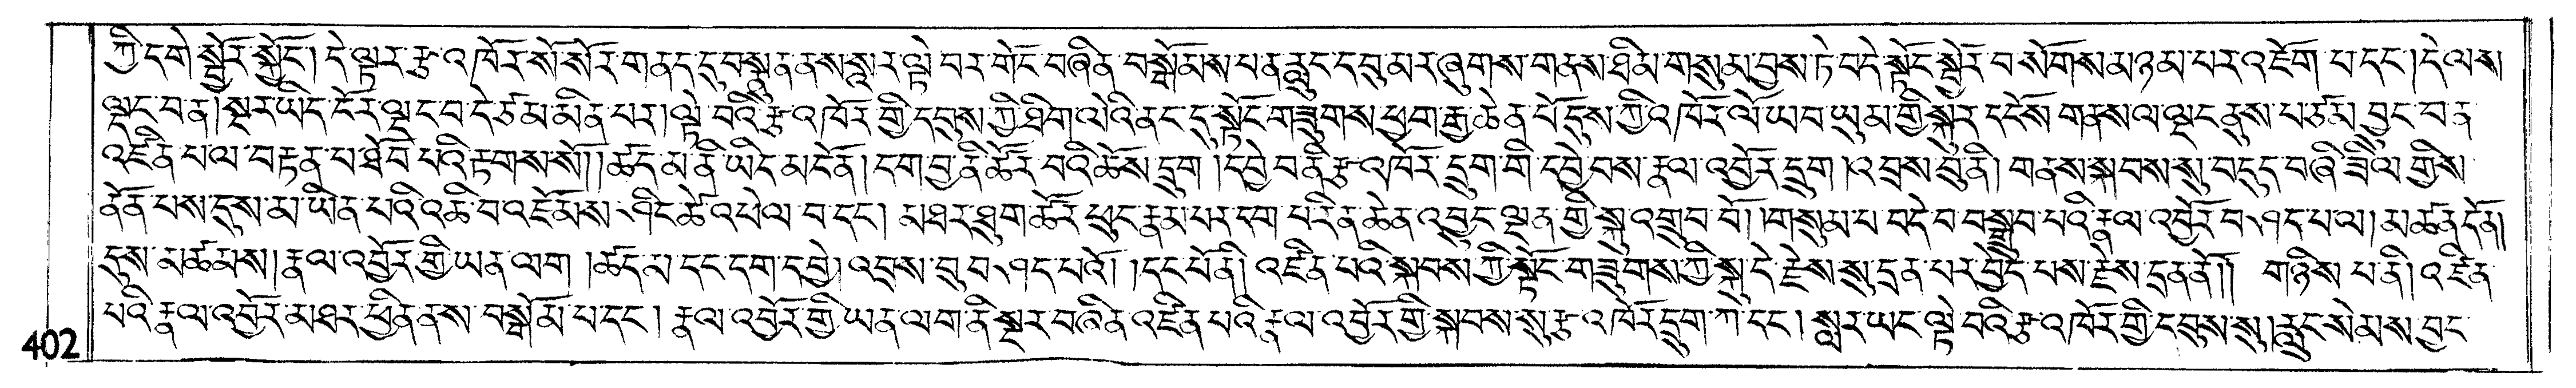ཀྱི་དགེ་སྦྱོར་སྐྱོང་། དེ་ལྟར་རྩ་འཁོར་སོ་སོར་གནད་དུ་བསྣུན་ནས་སླར་ལྟེ་བར་གོང་བཞིན་བསྒོམས་པ་ན་རླུང་དབུ་མར་ཞུགས་གནས་ཐིམ་གསུམ་བྱས་ཏེ་བདེ་སྟོང་སྦྱོར་བ་སོགས་མཉམ་པར་འཇོག་པ་དང་། དེ་ལས་
ལྡང་བ་ན། སྔར་ཡིད་ངོར་ལྡང་བ་དེ་ཙམ་མིན་པར། ལྟེ་བའི་རྩ་འཁོར་གྱི་དབུས་ཀྱི་ཐིག་ལེའི་ནང་དུ་སྟོང་གཟུགས་ཕྱག་རྒྱ་ཆེན་པོ་དུས་ཀྱི་འཁོར་ལོ་ཡབ་ཡུམ་གྱི་སྐུར་དངོས་གནས་ལ་ལྡང་ནུས་པ་ཙམ་བྱུང་བ་ན་
འཛིན་པ་ལ་བརྟན་པ་ཐོབ་པའི་རྟགས་སོ། །ཚད་མ་ནི་ཡིད་མངོན། དག་བྱ་ནི་ཚོར་བའི་ཆོས་དྲུག །དབྱེ་བ་ནི་རྩ་འཁོར་དྲུག་གི་དབྱེ་བས་རྣལ་འབྱོར་དྲུག །འབྲས་བུ་ནི། གནས་སྐབས་སུ་བདུད་བཞི་ཟིལ་གྱིས་
ནོན་པས་དུས་མ་ཡིན་པའི་འཆི་བ་འཇོམས་ཤིང་ཚེ་འཕེལ་བ་དང་། མཐར་ཐུག་ཚོར་ཕུང་རྣམ་པར་དག་པ་རིན་ཆེན་འབྱུང་ལྡན་གྱི་སྐུ་འགྲུབ་བོ། །གསུམ་པ་བདེ་བ་བསྒྲུབ་པའི་རྣལ་འབྱོར་བཤད་པ་ལ། མཚན་དོན།
དུས་མཚམས། རྣལ་འབྱོར་གྱི་ཡན་ལག །ཚད་མ་དང་དག་དབྱེ། འབྲས་བུ་བཤད་པའོ། །དང་པོ་ནི། འཛིན་པའི་སྐབས་ཀྱི་སྟོང་གཟུགས་ཀྱི་སྐུ་དེ་རྗེས་སུ་དྲན་པར་བྱེད་པས་རྗེས་དྲན་ནོ། །གཉིས་པ་ནི། འཛིན་
པའི་རྣལ་འབྱོར་མཐར་ཕྱིན་ནས་བསྒོམ་པ་དང་། རྣལ་འབྱོར་གྱི་ཡན་ལག་ནི་སྔར་བཞིན་འཛིན་པའི་རྣལ་འབྱོར་གྱི་སྐབས་སུ་རྩ་འཁོར་དྲུག་ཀ་དང་། སླར་ཡང་ལྟེ་བའི་རྩ་འཁོར་གྱི་དབུས་སུ། རླུང་སེམས་བྱང་